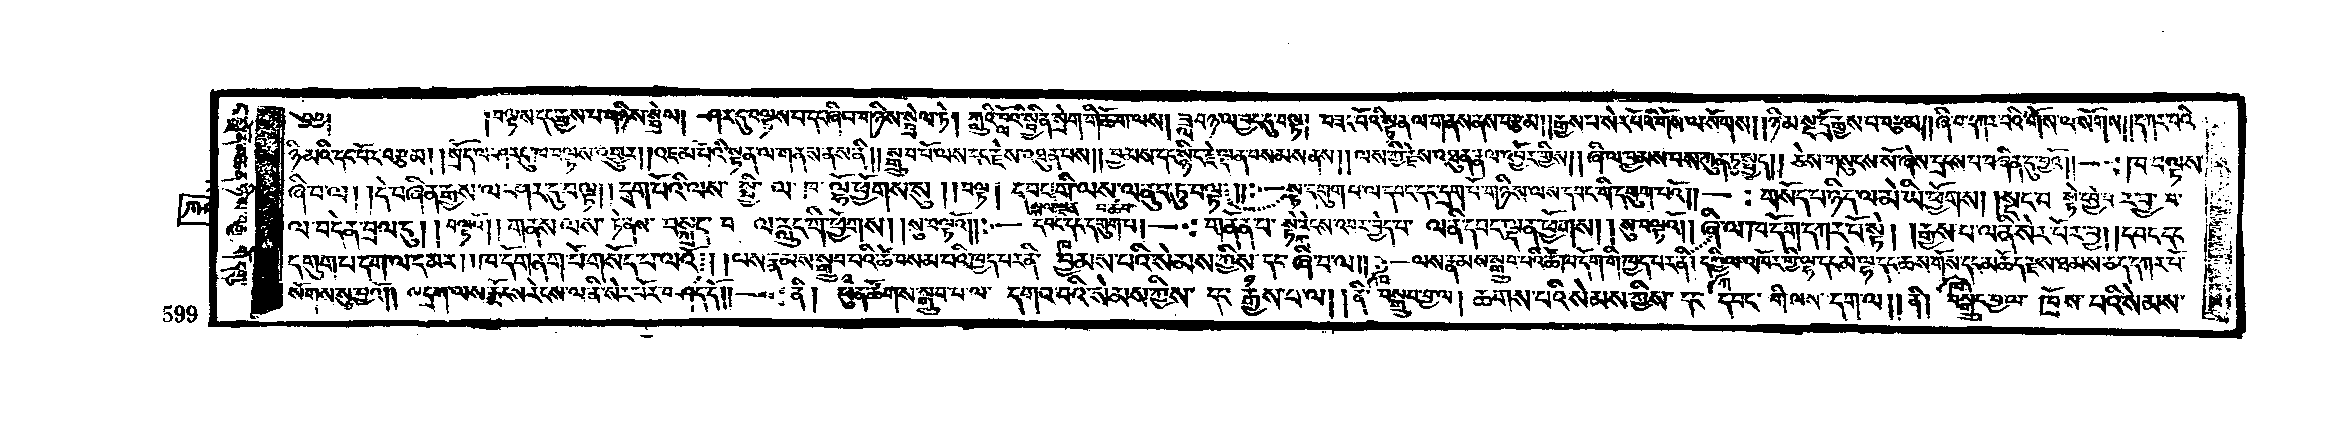༄༅། །བལྟས་དང་རྒྱས་པ་གཉིས་སྤྲེལ། ཤར་དུ་བལྟས་པ་དང་ཞི་བ་གཉིས་སྤྲེལ་ཏེ། ཀླུའི་བློའི་སྦྱིན་སྲེག་གི་ཆོ་ག་ལས། ཟླ་བ་ཉ་ལ་བྱང་དུ་བལྟ། བཟང་པོའི་སྟན་ལ་གནས་ནས་བརྩམ། །རྒྱས་པ་སེར་པོའི་གོས་ལ་སོགས། །ཉི་མ་སྔ་དྲོ་རྒྱས་པ་བརྩམ། །ཞི་བ་དཀར་པོའི་གིས་ལ་སོགས། །དཀར་པོའི་
ཉི་མའི་དང་པོར་བརྩམ། །སྲེད་ལ་ཤར་དུ་ཁ་བལྟས་འགྱུར། །འཇམ་པོའི་སྟན་ལ་གནས་ནས་ནི། །སྒྲུབ་པོ་ལས་དང་རྗེས་འཐུན་པས། །བྱམས་དང་སྙིང་རྗེ་ལྡན་བསམས་ནས། །ལས་ཀྱི་རྗེས་འཐུན་རྣལ་འབྱོར་གྱིས། །ཞི་ལ་བྱམས་པས་ཀུན་ཏུ་སྤྱད། །ཅེས་གསུངས་སོ་ཞེས་དྲངས་པ་བཞིན་དུ་བྱའོ།། .H ཁ་བལྟས་
ཞི་བ་ལ། །དེ་བཞིན་རྒྱས་ལ་ཤར་དུ་བལྟ། །དྲག་པོའི་ལས་སྤྱི་ལ་ཁ་ལྷོ་ཕྱོགས་སུ། ། བལྟ། དབང་གི་ལས་ལ་ནུབ་ཏུ་བལྟ།། H.་སྟ་དགུག་པ་ལ་དབང་དང་དྲག་པོ་གཉིས་ལས་དབང་གི་དགུག་པའོ།།  .H གསོད་པ་ཉིད་ལ་མེ་ཡི་ཕྱོགས། །སྡང་བ་སྟེ་དབྱེ་བར་བྱ་བ་
ལ་བདེན་བྲལ་དུ། ། བལྟའོ། །གནས་ལས་ཏེ་ནས་བསྐྱེད་པ་ལ་རླུང་གི་ཕྱོགས། ། སུ་བལྟའོ།། H.་སྐལ་ལྡན་པ་ཚབ་དབང་དང་དགུག་པ། .H གནོན་པ་སྟེ་རེངས་འབར་བྱེད་པ་ལ་ནི་དབང་ལྡན་ཕྱོགས། །སུ་བལྟའོ། །ཞི་ལ་ཁ་དོག་དཀར་པོ་སྟེ། །རྒྱས་པ་ལ་ནི་སེར་པོར་བྱ། །དབང་དང་
དགུག་པ་དག་ལ་དམར། །ཁ་དོག་ནག་པོ་གསོད་པ་ལའོ། ། ལས་རྣམས་སྒྲུབ་པའི་ཚེ་བསམ་པའི་ཁྱད་པར་ནི་ཁ་བྱམས་པའི་སེམས་ཀྱིས་དང་ཞི་བ་ལ།། H.་ལས་རྣམས་སྒྲུབ་པའི་ཚེ་ཁ་དོག་གི་ཁྱད་པར་ནི། དཀྱིལ་འཁོར་གྱི་ལྷ་དང་མེ་ལྷ་དང་ཆས་གོས་དང་མཆོད་རྫས་ཐམས་ཅད་དཀར་པོ་
སོགས་སུ་བྱའོ། །༧དྲག་ལས་རྨོངས་རངས་ལ་ནི་སེར་པོར་བཤད་དོ།། .H ནི། ཕུན་ཚོགས་སྒྲུབ་པ་ལ་དགའ་བའི་སེམས་ཀྱིས་དང་༡་རྒྱས་པ་ལ། ། ནི་?ཁ་བསྒྲུབ་བྱ་ལ། ཆགས་པའི་སེམས་ཀྱིས་དང་?ཀ་དབང་གི་ལས་དག་ལ། ། ནི། ?ཁ྄་བསྒྲུབ་བྱ་ལ་ཁྲོས་པའི་སེམས་